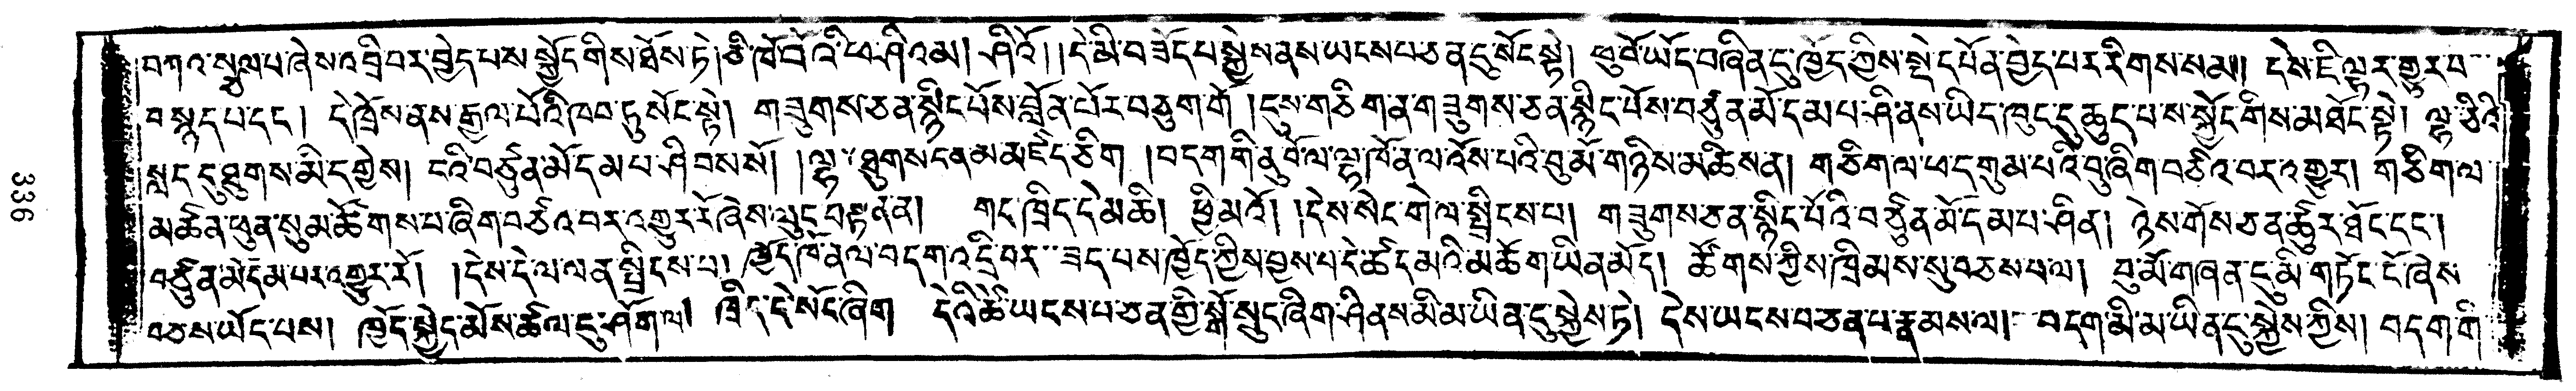བཀའ་སྩལ་པ་ཞེས་འབྲི་བར་བྱེད་པས་སྐྱོང་གིས་ཐོས་ཏེ། ཅི་ཁོ་བོའི་ཕ་ཤིའམ། ཤིའོ། །དེ་མི་བཟོད་པ་སྐྱེས་ནས་ཡངས་པ་ཅན་དུ་སོང་སྟེ། ཕུ་བོ་ཡོད་བཞིན་དུ་ཁྱོད་ཀྱིས་སྡེ་དཔོན་བྱེད་པར་རིགས་སམ། དེས་ཇི་ལྟར་གྱུར་པ་
བསྙད་པ་དང་། དེ་ཁྲོས་ནས་རྒྱལ་པོའི་ཁབ་ཏུ་སོང་སྟེ། གཟུགས་ཅན་སྙིང་པོས་བློན་པོར་བཅུག་གོ །དུས་གཅིག་ན་གཟུགས་ཅན་སྙིང་པོས་བཙུན་མོ་དམ་པ་ཤི་ནས་ཡིད་ཁུང་དུ་ཆུད་པ་ས་སྐྱོང་གིས་མཐོང་སྟེ། ལྷ་ཅིའི་
སླད་དུ་ཐུགས་མི་དགྱེས། ངའི་བཙུན་མོ་དམ་པ་ཤི་བས་སོ། །ལྷ་ཐུགས་ངན་མ་མཛད་ཅིག །བདག་གི་ནུ་བོ་ལ་ལྷ་ཁོ་ན་ལ་འོས་པའི་བུ་མོ་གཉིས་མཆིས་ན། གཅིག་ལ་ཕ་དགུམ་པའི་བུ་ཞིག་བཙའ་བར་འགྱུར། གཅིག་ལ་
མཚན་ཕུན་སུམ་ཚོགས་པ་ཞིག་བཙའ་བར་འགྱུར་རོ་ཞེས་ལུང་བསྟན་ན། གང་ཁྲིད་དེ་མཆི། ཕྱི་མའོ། །དེས་སེང་གེ་ལ་སྤྲིངས་པ། གཟུགས་ཅན་སྙིང་པོའི་བཙུན་མོ་དམ་པ་ཤིན། ཉེས་གོས་ཅན་ཚུར་ཐོང་དང་།
བཙུན་མོ་དམ་པར་འགྱུར་རོ། །དེས་དེ་ལ་ལན་སྤྲིངས་པ། ཁྱོད་ཁོ་ནལ་བདག་འདྲི་བར་ཟད་པས་ཁྱོད་ཀྱིས་བྱས་པ་དེ་ཚང་མའི་མཆོག་ཡིན་མོད། ཚོགས་ཀྱིས་ཁྲིམས་སུ་བཅས་པ་ལ། བུ་མོ་གཞན་དུ་མི་གཏོང་ངོ་ཞེས་
བཅས་ཡོད་པས། ཁྱོད་སྐྱེད་མོས་ཚལ་དུ་ཤོག་ལ། ཁྲིད་དེ་སོང་ཞིག་དེའི་ཚེ་ཡངས་ཅན་གྱི་སྒོ་སྲུང་ཞིག་ཤི་ནས་མི་མ་ཡིན་དུ་སྐྱེས་ཏེ། དེས་ཡངས་པ་ཅན་པ་རྣམས་ལ། བདག་མི་མ་ཡིན་དུ་སྐྱེས་ཀྱིས། བདག་གི་